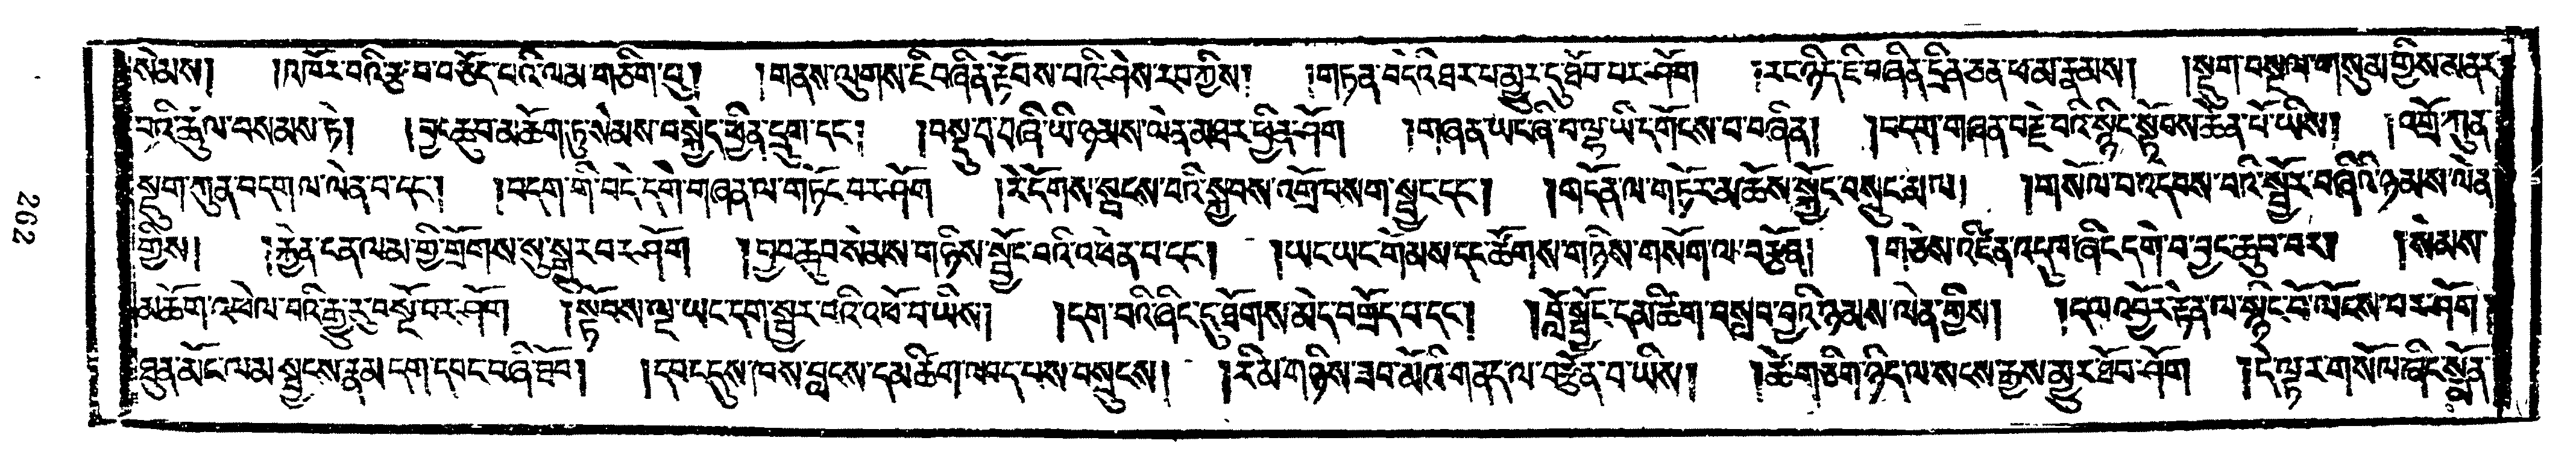སེམས། །འཁོར་བའི་རྩ་བ་བཅོད་པའི་ལམ་གཅིག་པུ། །གནས་ལུགས་ཇི་བཞིན་རྟོབས་པའི་ཤེས་རབ་ཀྱིས། །གཏན་བདེའི་ཐར་པ་མྱུར་དུ་ཐོབ་པར་ཤོག །རང་ཉིད་ཇི་བཞིན་དྲིན་ཅན་ཕ་མ་རྣམས། །སྡུག་བསྔལ་གསུམ་གྱིས་མནར་
བའི་ཚུལ་བསམས་ཏེ། །བྱང་ཆུབ་མཆོག་ཏུ་སེམས་བསྐྱེད་ཕྱིན་དྲུག་དང་། །བསྡུ་བ་བཞི་ཡི་ཉམས་ལེན་མཐར་ཕྱིན་ཤོག །གཞན་ཡང་ཞི་བ་ལྷ་ཡི་དགོངས་པ་བཞིན། །བདག་གཞན་བརྗེ་བའི་སྙིང་སྟོབས་ཆེན་པོ་ཡིས། །འགྲོ་ཀུན་
སྡུག་ཀུན་བདག་ལ་ལེན་པ་དང་། །བདག་གི་བདེ་དགེ་གཞན་ལ་གཏོང་བར་ཤོག །རེ་དོགས་སྤངས་པའི་སྐྱབས་འགྲོ་བསག་སྦྱང་དང་། །གདོན་ལ་གཏོར་མ་ཆོས་སྐྱོང་བསྲུང་མ་ལ། །གསོལ་བ་འདེབས་པའི་སྦྱོར་བཞིའི་ཉམས་ལེན་
གྱིས། །རྐྱེན་ངན་ལམ་གྱི་གྲོགས་སུ་སྒྱུར་བར་ཤོག །བྱང་ཆུབ་སེམས་གཉིས་སྦྱོང་བའི་འཕེན་པ་དང་། །ཡང་ཡང་གོམས་དང་ཚོགས་གཉིས་གསོག་ལ་བརྩོན། །གཅེས་འཛིན་འདུལ་ཞིང་དགེ་བ་བྱང་ཆུབ་བར། །སེམས་
མཆོག་འཕེལ་བའི་རྒྱུ་རུ་བསྔོ་བར་ཤོག །སྟོབས་ལྔ་ཡང་དག་སྦྱར་བའི་འཕོ་བ་ཡིས། །དག་པའི་ཞིང་དུ་ཐོགས་མེད་བགྲོད་པ་དང་། །བློ་སྦྱོང་དམ་ཚིག་བསླབ་བྱའི་ཉམས་ལེན་གྱིས། །དལ་འབྱོར་རྟེན་ལ་སྙིང་པོ་ལོངས་པར་ཤོག།
ཐུན་མོང་ལམ་སྦྱངས་རྣམ་དག་དབང་བཞི་ཐོབ། །དབང་དུས་ཁས་བླངས་དམ་ཚིག་འབད་པས་བསྲུངས། །རིམ་གཉིས་ཟབ་མོའི་གནད་ལ་བརྩོན་པ་ཡིས། །ཚེ་གཅིག་ཉིད་ལ་སངས་རྒྱས་མྱུར་ཐོབ་ཤོག །དེ་ལྟར་གསོལ་ཞིང་སྨོན་